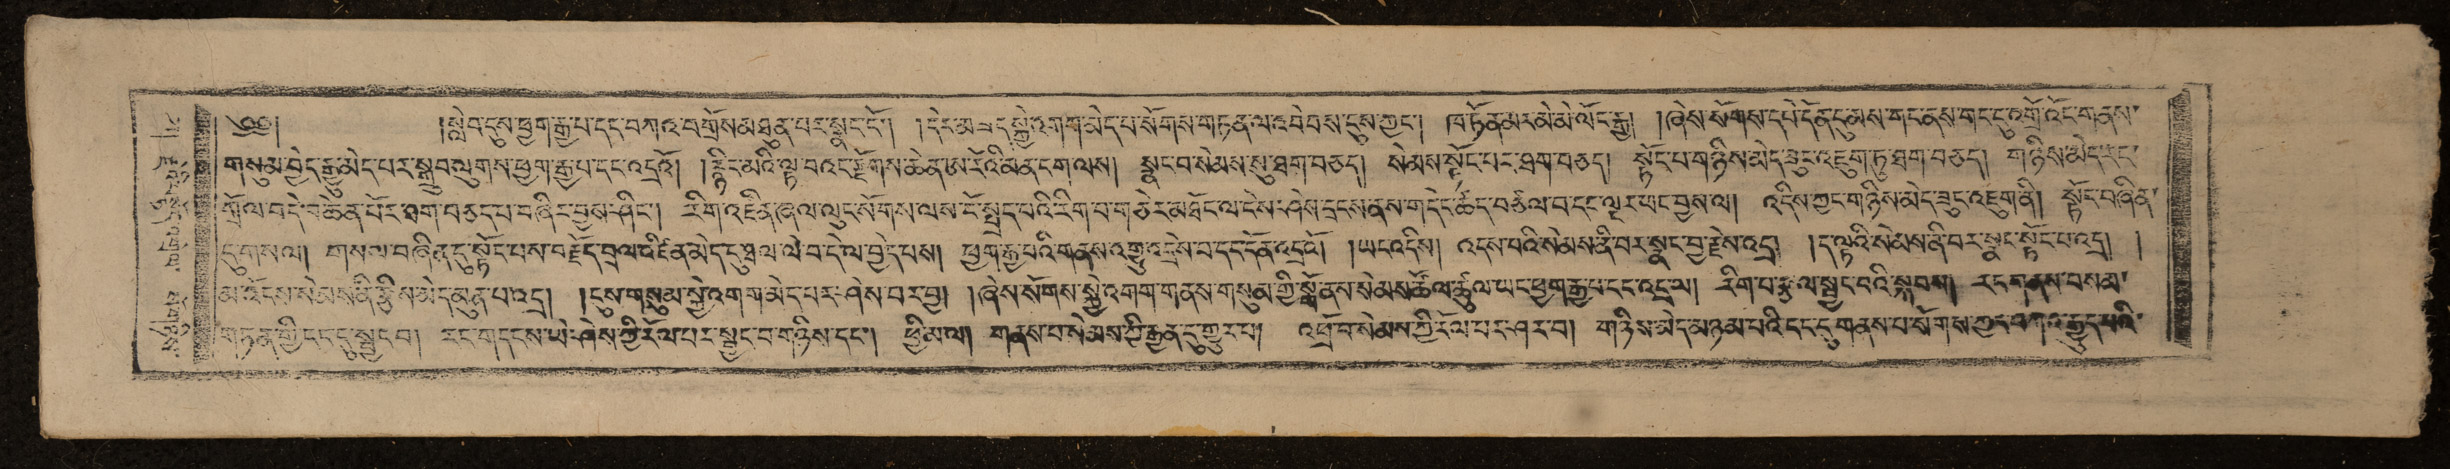༄༅། །སླེབ་དུས་ཕྱག་རྒྱ་བ་དང་བཀའ་བགྲོས་མཐུན་པར་སྣང་ངོ། །དེར་མ་ཟད་སྐྱེ་འགག་མེད་པ་སོགས་གཏན་ལ་འབེབས་དུས་ཀྱང་། ཁ་ཏོན་མར་མེ་མེ་ལོང་རྒྱ། །ཞེས་སོགས་དཔེ་དོན་དུ་མས་གང་ནས་གང་དུ་འགྲོ་འོང་གནས་
གསུམ་བྱེད་རྒྱུ་མེད་པར་སྒྲུབ་ལུགས་ཕྱག་རྒྱ་བ་དང་འདྲའོ། །རྙིང་མའི་ལྟ་བའང་རྫོགས་ཆེན་ཨ་རོའི་མན་ངག་ལས། སྣང་བ་སེམས་སུ་ཐག་བཅད། སེམས་སྟོང་བར་ཐག་བཅད། སྟོང་པ་གཉིས་མེད་ཟུང་འཇུག་ཏུ་ཐག་བཅད། གཉིས་མེད་རང་
གྲོལ་བདེ་བ་ཆེན་པོར་ཐག་བཅད་པ་བཞིར་བྱས་ཤིང་། རིག་འཛིན་ཞལ་ཡུང་སོགས་ལས་ངོ་སྤྲད་པའི་རིག་པ་གཅེར་མཐོང་ལ་ངེས་ཤེས་དྲངས་ནས་གདེང་ཚད་བཙལ་བ་དང་ལྔར་ཡང་བྱས་ལ། འདིས་ཀྱང་གཉིས་མེད་ཟུང་འཇུག་ནི། སྟོང་བཞིན་
དུ་གསལ། གསལ་བཞིན་དུ་སྟོང་བས་བརྗོད་བྲལ་འཛིན་མེད་དུ་ཐལ་ལེ་བདེ་ལ་བྱེད་པས། ཕྱག་རྒྱ་བའི་གནས་འགྱུ་འདྲེས་པ་དང་དོན་འདྲའོ། །ཡང་འདིས། འདས་པའི་སེམས་ནི་པར་སྣང་བྱ་རྗེས་འདྲ། །ད་ལྟའི་སེམས་ནི་བར་སྣང་སྟོང་པ་འདྲ། །
མ་འོངས་སེམས་ནི་རྩིས་མེད་མུན་པ་འདྲ། །དུས་གསུམ་སྐྱེ་འགག་མེད་པར་ཤེས་པར་བྱ། །ཞེས་སོགས་སྐྱེ་འགག་གནས་གསུམ་གྱི་སྒོ་ནས་སེམས་ཚོལ་ཚུལ་ཡང་ཕྱག་རྒྱ་བ་དང་འདྲ་ལ། རིག་པ་རྩལ་སྦྱང་བའི་སྐབས། རང་གནས་བསམ་
གཏན་གྱི་ངང་དུ་སྦྱང་བ། རང་གདངས་ཡེ་ཤེས་ཀྱི་རོལ་བར་སྦྱང་བ་གཉིས་དང་། ཕྱི་མ་ལ། གནས་པ་སེམས་ཀྱི་རྒྱན་དུ་གྱུར་པ། འཕྲོ་བ་སེམས་ཀྱི་རོལ་བར་ཤར་བ། གཉིས་མེད་མཉམ་པའི་ངང་དུ་གནས་པ་སོགས་ཀྱང་བཀའ་བརྒྱུད་པའི་